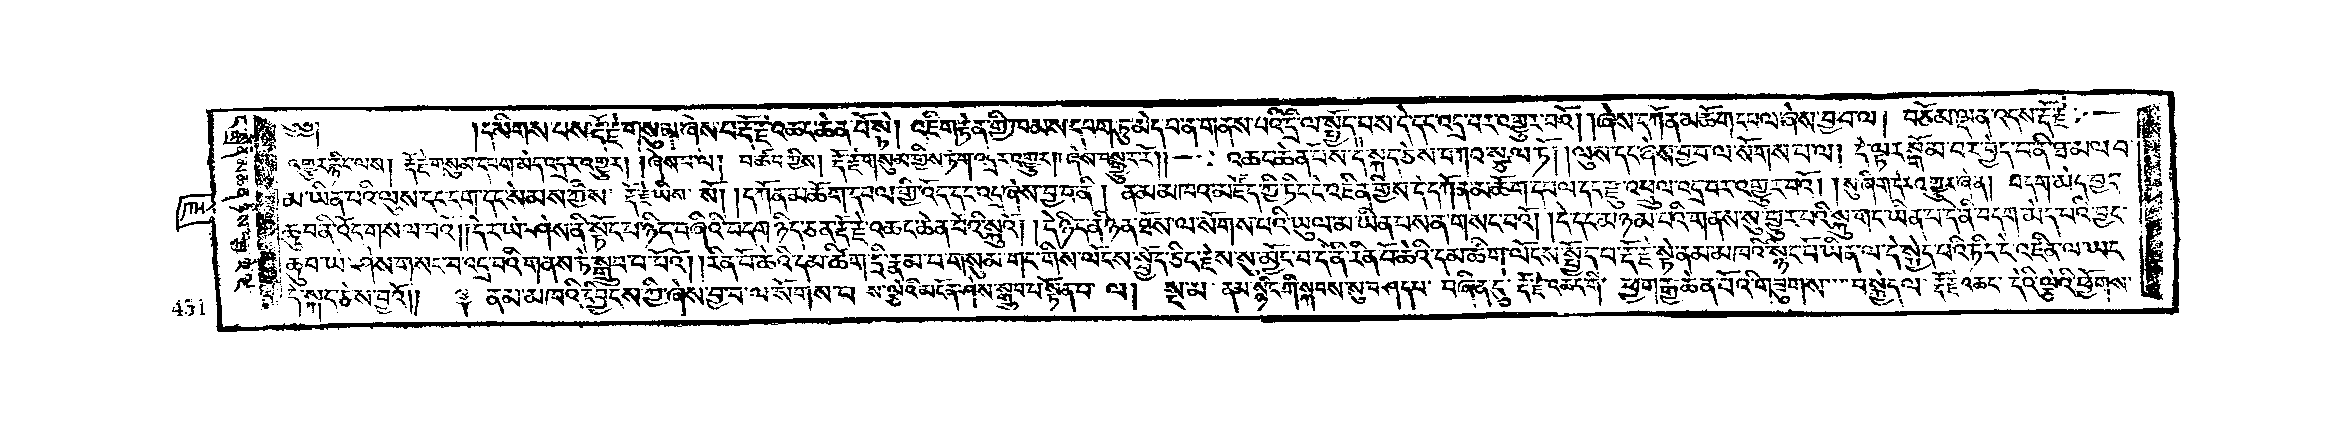༄༅། །དམིགས་པས་རྡོ་རྗེ་གསུམ་ཞེས་པ་རྡོ་རྗེ་འཆང་ཆེན་པོ་སྟེ། འཇིག་རྟེན་གྱི་ཁམས་དཔག་ཏུ་མེད་པ་ན་གནས་པའི་དྲི་ལ་སྤྱོད་པས་དེ་དང་འདྲ་བར་འགྱུར་བའོ། །ཞེས་དཀོན་མཆོག་དཔལ་ཞེས་བྱ་བ་ལ། བཅོམ་ལྡན་འདས་རྡོ་རྗེ་H.
འགྱུར་རྙིང་ལས། རྡོ་རྗེ་གསུམ་དཔག་མེད་འདྲར་འགྱུར། །ཞེས་པ་ལ། པ་ཚབ་ཀྱིས། རྡོ་རྗེ་གསུམ་གྱིས་ཏོག་འདྲར་འགྱུར། །ཞེས་བསྒྱུར་རོ།། .H འཆང་ཆེན་པོས་དེ་སྐད་ཅེས་བཀའ་སྩལ་ཏོ། །ལུས་དང་ཞེས་བྱ་བ་ལ་སོགས་པ་ལ། དེ་ལྟར་སྒོམ་པར་བྱེད་པ་ནི་ཐ་མལ་པ་
མ་ཡིན་པའི་ལུས་དང་ངག་དང་སེམས་ཀྱིས་རྡོ་རྗེ་ཡིས་སོ། །དཀོན་མཆོག་དཔལ་གྱི་འོད་དང་འདྲ་ཞེས་བྱ་བ་ནི། ནམ་མཁའ་མཛོད་ཀྱི་ཏིང་ངེ་འཛིན་གྱིས་དེ་དཀོན་མཆོག་དཔལ་དང་རྫུ་འཕྲུལ་འདྲ་བར་འགྱུར་བའོ། ། སུ་ཞིག་དེ་འགྱུར་ཞེ་ན། བདག་མེད་བྱང་
ཆུབ་ནི་འོད་གསལ་བའོ། །དེར་ཡེ་ཤེས་ནི་སྟོང་པ་ཉིད་བཞིའི་བདག་ཉིད་ཅན་རྡོ་རྗེ་འཆང་ཆེན་པོའི་སྐུའོ། །དེ་ཉིད་ནི་ཉན་ཐོས་ལ་སོགས་པའི་ཡུལ་མ་ཡིན་པས་ན་གསང་བའོ། །དེ་དང་མཉམ་པའི་གནས་སུ་གྱུར་པའི་སྐུ་གང་ཡིན་པ་དེ་ནི་བདག་མེད་པའི་བྱང་
ཆུབ་ཡེ་ཤེས་གསང་བ་འདྲ་བའི་གནས་ཏེ་སྒྲུབ་པ་པོའོ། །རིན་པོ་ཆེའི་དམ་ཚིག་དྲི་རྣམ་པ་གསུམ་གང་གིས་ལོངས་སྤྱོད་ཅིང་རྗེས་སུ་མྱོང་བ་དེ་ནི་རིན་པོ་ཆེའི་དམ་ཚིག་ལོངས་སྤྱོད་པ་རྡོ་རྗེ་སྟེ་ནམ་མཁའི་སྙིང་པོ་ཡིན་ལ་དེ་སྐྱེད་པའི་ཏིང་ངེ་འཛིན་ལ་ཡང་
དེ་སྐད་ཅེས་བྱའོ།། ༈ ནམ་མཁའི་དབྱིངས་ཀྱི་ཞེས་བྱ་བ་ལ་སོགས་པ་ས་ལྕེའི་མངོན་ཤེས་སྒྲུབ་པ་སྟོན་པ་ལ། སྔ་མ་ནམ་སྙིང་གི་སྐབས་སུ་བཤད་པ་བཞིན་དུ་རྡོ་རྗེ་འཆང་གི་ཕྱག་རྒྱ་ཆེན་པོའི་གཟུགས་བསྐྱེད་ལ་རྡོ་རྗེ་འཆང་དེའི་ལྕེའི་ཕྱོགས་